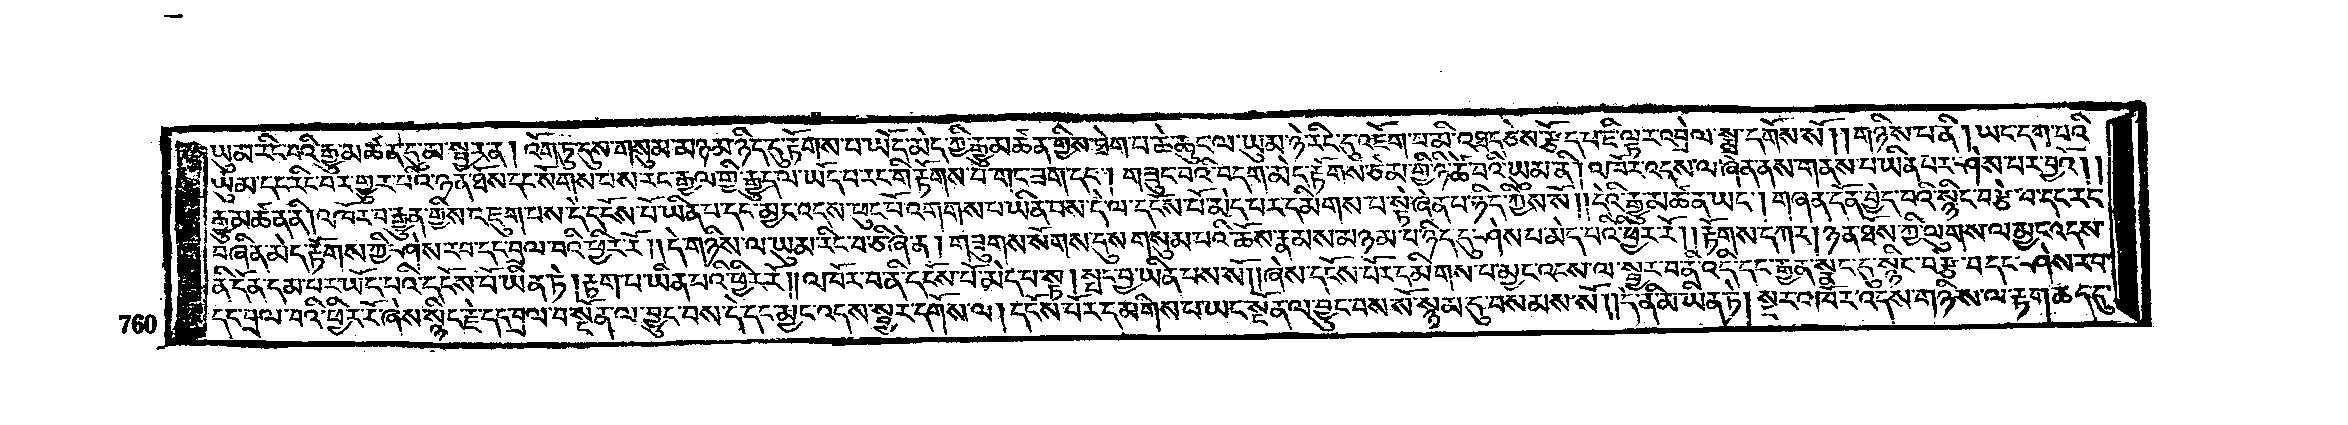ཡུམ་རིང་བའི་རྒྱུ་མཚན་དུ་མ་སྦྱར་ན། འོག་ཏུ་དུས་གསུམ་མཉམ་ཉིད་དུ་རྟོགས་པ་ཡོད་མེད་ཀྱི་རྒྱུ་མཚན་གྱིས་ཐེག་པ་ཆེ་ཆུང་ལ་ཡུམ་ཉེ་རིང་དུ་འཇོག་པ་མི་འཐད་ཅེས་རྩོད་པ་ཇི་ལྟར་འབྲེལ་སྨྲ་དགོས་སོ། །གཉིས་པ་ནི། ཡང་དག་པའི་
ཡུམ་དང་རིང་བར་གྱུར་པའི་ཉན་ཐོས་དང་སོགས་པས་རང་རྒྱལ་གྱི་རྒྱུད་ལ་ཡོད་པ་རང་གི་རྟོགས་པ་གང་ཟག་དང་། གཟུང་བའི་བདག་མེད་རྟོགས་ཙམ་གྱི་ཉི་ཚེ་བའི་ཡུམ་ནི། འཁོར་འདས་ལ་ཞེན་ནས་གནས་པ་ཡིན་པར་ཤེས་པར་བྱའོ། །
རྒྱུ་མཚན་ནི། འཁོར་བ་རྒྱུན་གྱིས་འཇུག་པས་དེ་དངོས་པོ་ཡིན་པ་དང་མྱང་འདས་ཕུང་པོ་འགགས་པ་ཡིན་པས་དེ་ལ་དངོས་པོ་མེད་པར་དམིགས་པ་སྟེ་ཞེན་པ་ཉིད་ཀྱིས་སོ། །དེའི་རྒྱུ་མཚན་ཡང་། གཞན་དོན་བྱེད་པའི་སྙིང་བརྩེ་བ་དང་རང་
བཞིན་མེད་རྟོགས་ཀྱི་ཤེས་རབ་དང་བྲལ་བའི་ཕྱིར་རོ། །དེ་གཉིས་ལ་ཡུམ་རིང་བ་ཅི་ཞེ་ན། གཟུགས་སོགས་དུས་གསུམ་པའི་ཆོས་རྣམས་མཉམ་པ་ཉིད་དུ་ཤེས་པ་མེད་པའི་ཕྱིར་རོ། །རྟོགས་དཀར། ཉན་ཐོས་ཀྱི་ལུགས་ལ་མྱང་འདས་
ནི་དོན་དམ་པར་ཡོད་པའི་དངོས་པོ་ཡིན་ཏེ། རྟག་པ་ཡིན་པའི་ཕྱིར་རོ། །འཁོར་བ་ནི་དངོས་པོ་མེད་པ་སྟེ། སྤང་བྱ་ཡིན་པས་སོ། །ཞེས་དངོས་པོར་དམིགས་པ་མྱང་འདས་ལ་སྦྱར་བ་ནི་འདི་དང་རྒྱན་སྣང་དུ་སྙིང་བརྩེ་བ་དང་ཤེས་རབ་
དང་བྲལ་བའི་ཕྱིར་རོ་ཞེས་སྙིང་རྗེ་དང་བྲལ་བ་སྔོན་ལ་བྱུང་བས་དེ་དང་མྱང་འདས་སྦྱར་དགོས་ལ། དངོས་པོར་དམིགས་པ་ཡང་སྔོན་ལ་བྱུང་བས་སོ་སྙམ་དུ་བསམས་སོ། །དེ་ནི་མ་ཡིན་ཏེ། སྔར་འཁོར་འདས་གཉིས་ལ་རྟག་ཆད་དུ་